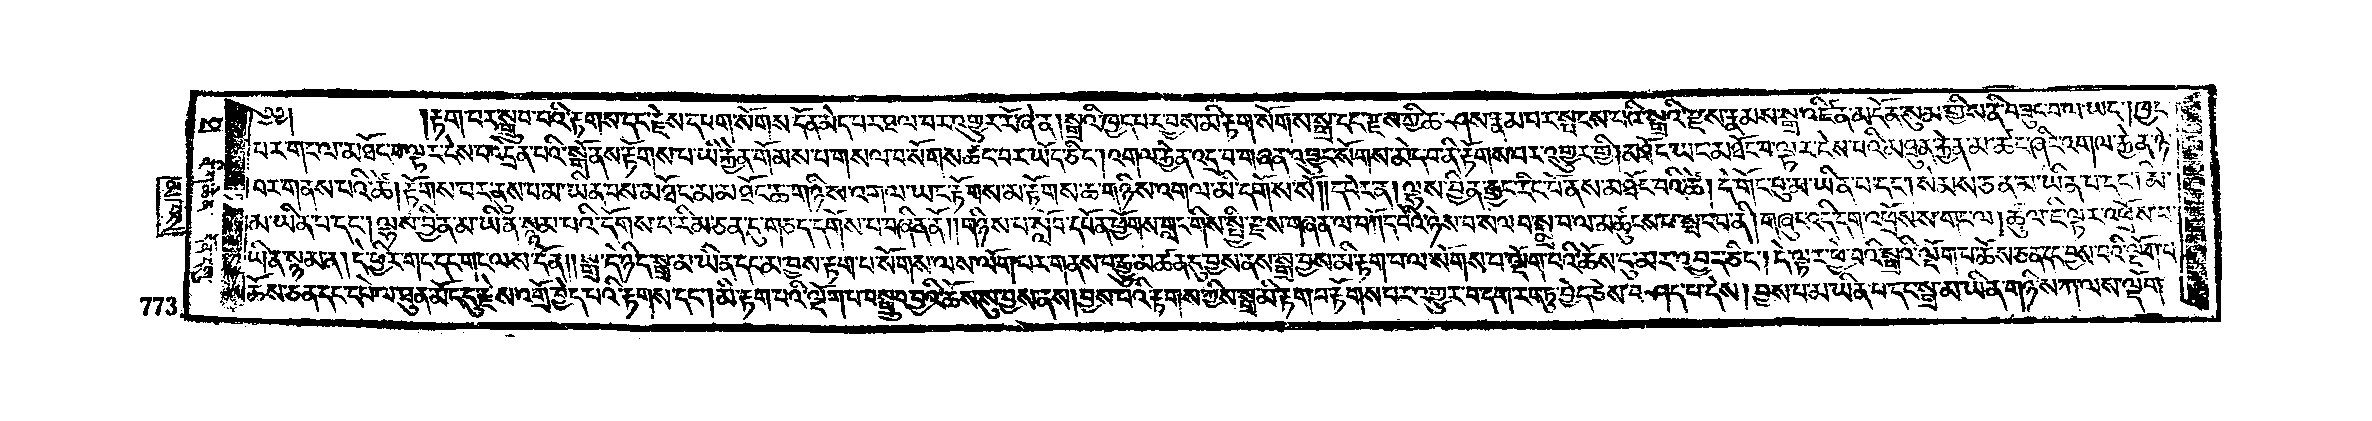༄༅། །རྟག་པར་སྒྲུབ་པའི་རྟགས་དང་རྗེས་དཔྒ་སོགས་དོན་མེད་པར་ཐལ་བར་འགྱུར་རོ་ཞེ་ན། སྒྲའི་ཁྱད་པར་བྱས་མི་རྟག་སོགས་སྒྲ་དང་རྫས་ཀྱི་ཆ་ཤས་རྣམ་པར་སྤངས་པའི་སྒྲའི་རྫས་རྣམས་སྒྲ་འཛིན་མངོན་སུམ་གྱིས་ནི་བཟུང་བ་ལ་ཡང་། ཁྱད་
པར་གང་ལ་མཐོང་བ་ལྟར་ངེས་པ་འདྲེན་པའི་སྒོ་ནས་རྟོགས་པ་ཡི་རྐྱེན་གོམས་པ་གསལ་བ་སོགས་ཚང་བར་ཡོད་ཅིང་། འགལ་རྐྱེན་འདྲ་བ་གཞན་འབྱུང་སོགས་མེད་པ་ནི་རྟོགས་པར་འགྱུར་གྱི། མཐོང་ཡང་མཐོང་བ་ལྟར་ངེས་པའི་མཐུན་རྐྱེན་མ་ཚང་ཞིང་འགལ་རྐྱེན་ཉེ་
བར་གནས་པའི་ཚེ། རྟོགས་པར་ནུས་པ་མ་ཡིན་པས་མཐོང་བ་མཐོང་ཆ་གཉིས་འགལ་ཡང་རྟོགས་མ་རྟོགས་ཆ་གཉིས་འགལ་མི་དགོས་སོ། །དཔེར་ན། ལྷས་བྱིན་རྒྱང་རིང་པོ་ནས་མཐོང་བའི་ཚེ། དེ་གོང་བུ་མ་ཡིན་པ་དང་། སེམས་ཅན་མ་ཡིན་པ་དང་། མི་
མ་ཡིན་པ་དང་། ལྷས་བྱིན་མ་ཡིན་སྙམ་པའི་དོགས་པ་རིམ་ཅན་དུ་གཅོད་དགོས་པ་བཞིན་ནོ། །གཉིས་པ་སློབ་དཔོན་ཕྱོགས་གླང་གིས་སྤྱི་རྫས་གཞན་ལ་བཀོད་པའི་ཉེས་བ་སེལ་བ་སྨྲ་བ་ལ་མཚུངས་པ་སྤང་བ་ནི། གཞུང་འདི་དག་འཕྲོས་ས་གང་ལ། ཚུལ་ཇི་ལྟར་འཕྲོས་པ་
ཡིན་སྙམ་ན། དེ་ཕྱིར་གང་དང་གང་ལས་དོན། །སྒྲ་དེ་ཉིད་སྒྲ་མ་ཡིན་དང་མ་བྱས་རྟག་པ་སོགས་ལས་སོགས་པར་གནས་པ་རྒྱུ་མཚན་དུ་བྱས་ནས་སྒྲྶ་བྱས་མི་རྟག་པ་ལ་སོགས་པ་ལྡོགས་པའི་ཆོས་དུ་མར་འབྱེད་ཅིང་། དེ་ལར་ཕྱེ་བའི་སྒྲའི་ལྡོག་པ་ཆོས་ཅན་དང་བྱས་པའི་ལྡོག་པ་ཆོས་ཅན་དང་དཔེ་ལ་ཐུམ་མོང་དུ་རྗེས་འགྲོ་བྱེད་པའི་རྟགས་དང་། མི་རྟག་པའི་ལྡོག་པ་བསྒྲུབ་བྱའི་ཆོས་སུ་བྱས་ནས། བྱས་པའི་རྟགས་ཀྱིས་སྒྲ་མི་རྟག་པ་རྟོགས་པར་འགྱུར་བ་དག་རབ་ཏུ་བྱེད་ཅེས་བཤད་པ་དེས། བྱས་པ་མ་ཡིན་པ་དང་སྒྲ་མ་ཡིན་གཉིས་ཀ་ལས་ལྡོག་